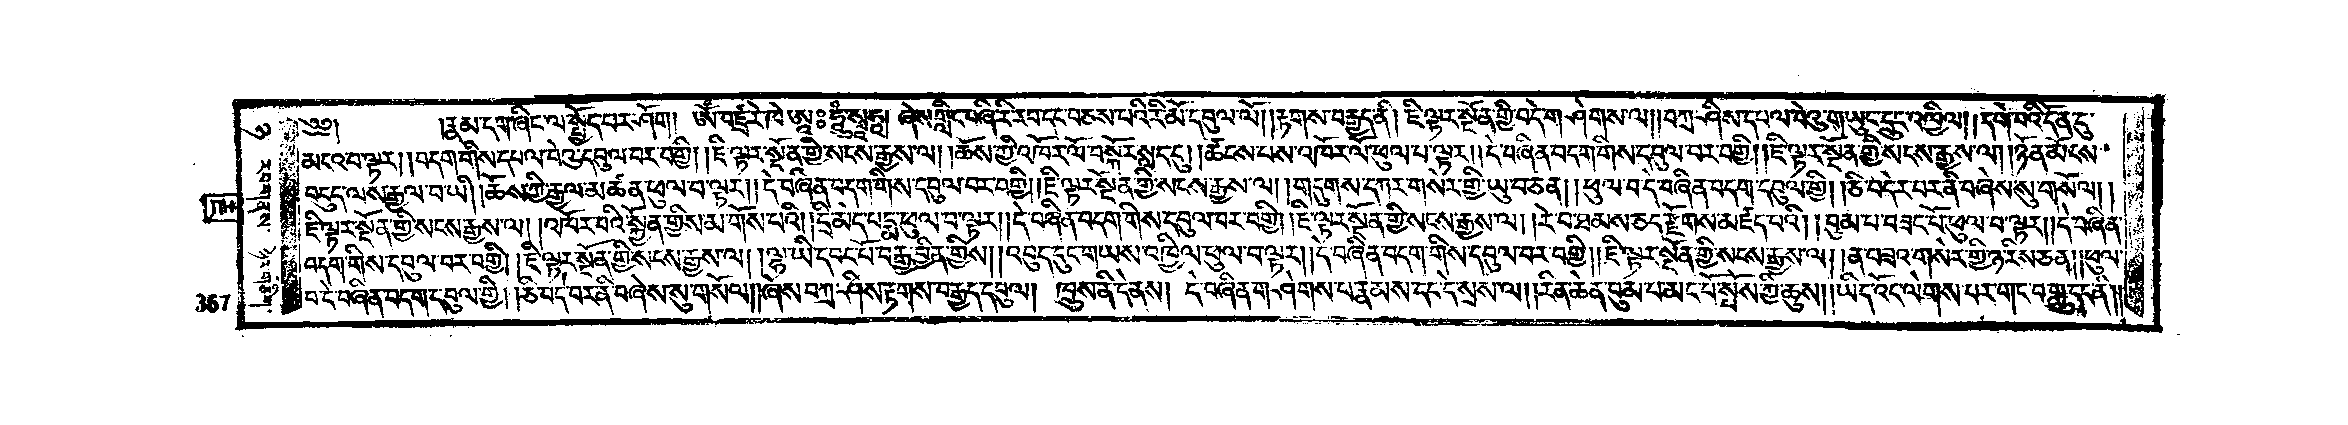༄༅། །རྣམ་དག་ཞིང་ལ་སྤྱོད་བར་ཤོག །ཨོཾ་བཛྲ་རེ་ཁེ་ཨཱཿ ཧཱུཾ་སྭཱ་ཧཱ། ཞེས་གླིང་བཞི་རི་རབ་དང་བཅས་པའི་རི་མོ་དབུལ་ལོ། །རྟགས་བརྒྱད་ནི། ཇི་ལྟར་སྔོན་གྱི་བདེ་གཤེགས་ལ། །བཀྲ་ཤིས་དཔལ་བེའུ་གཡུང་དྲུང་འཁྱིལ། །དགེ་བའི་དོན་དུ་
མངའ་བ་ལྟར། །བདག་གིས་དཔལ་བེའུ་དབུལ་བར་བགྱི། །ཇི་ལྟར་སྔོན་གྱི་སངས་རྒྱས་ལ། །ཆོས་ཀྱི་འཁོར་ལོ་བསྐོར་སླད་དུ། །ཚངས་པས་འཁོར་ལོ་ཕུལ་པ་ལྟར། །དེ་བཞིན་བདག་གིས་དབུལ་བར་བགྱི། །ཇི་ལྟར་སྔོན་གྱི་སངས་རྒྱས་ལ། །ཉོན་མོངས་
བདུད་ལས་རྒྱལ་བ་ཡི། །ཆོས་ཀྱི་རྒྱལ་མཚན་ཕུལ་བ་ལྟར། །དེ་བཞིན་བདག་གིས་དབུལ་བར་བགྱི། །ཇི་ལྟར་སྔོན་གྱི་སངས་རྒྱས་ལ། །གདུགས་དཀར་གསེར་གྱི་ཡུ་བ་ཅན། །ཕུལ་བ་དེ་བཞིན་བདག་དབུལ་གྱི། །ཅི་བདེར་བར་ནི་བཞེས་སུ་གསོལ། །
ཇི་ལྟར་སྔོན་གྱི་སངས་རྒྱས་ལ། །འཁོར་བའི་སྐྱོན་གྱིས་མ་གོས་པའི། །དྲི་མེད་པདམ་ཕུལ་བ་ལྟར། །དེ་བཞིན་བདག་གིས་དབུལ་བར་བགྱི། །ཇི་ལྟར་སྔོན་གྱི་སངས་རྒྱས་ལ། །རེ་བ་ཐམས་ཅད་རྫོགས་མཛད་པའི། །བུམ་པ་བཟང་པོ་ཕུལ་བ་ལྟར། །དེ་བཞིན་
བདག་གིས་དབུལ་བར་བགྱི། །ཇི་ལྟར་སྔོན་གྱི་སངས་རྒྱས་ལ། །ལྷ་ཡི་དབང་པོ་བརྒྱ་བྱིན་གྱིས། །འབུད་དུང་གཡས་འཁྱིལ་ཕུལ་བ་ལྟར། །དེ་བཞིན་བདག་གིས་དབུལ་བར་བགྱི། །ཇི་ལྟར་སྔོན་གྱི་སངས་རྒྱས་ལ། །ན་བཟའ་གསེར་གྱི་ཉ་རིས་ཅན། །ཕུལ་
བ་དེ་བཞིན་བདག་དབུལ་གྱི། །ཅི་བདེ་བར་ནི་བཞེས་སུ་གསོལ། །ཞེས་བཀྲ་ཤིས་རྟགས་བརྒྱད་དབུལ། ཁྲུས་ནི་དེ་ནས། དེ་བཞིན་གཤེགས་པ་རྣམས་དང་དེ་སྲས་ལ། །རིན་ཆེན་བུམ་པ་མང་པོ་སྤོས་ཀྱི་ཆུས། །ཡིད་འོང་ལེགས་པར་གང་བ་གླུ་དང་ནི། །